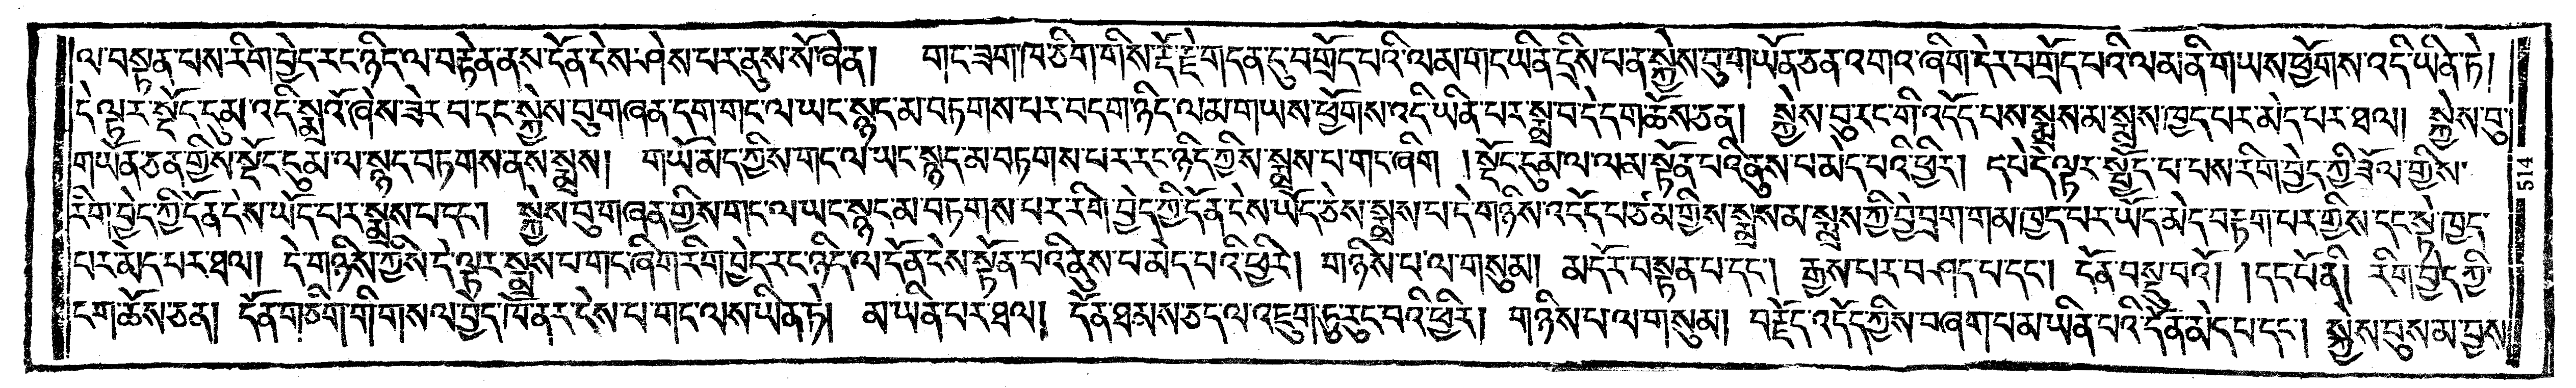ལ་བསྟན་པས་རིག་བྱེད་རང་ཉིད་ལ་བརྟེན་ནས་དོན་ངེས་ཤེས་པར་ནུས་སོ་ཞེ་ན། གང་ཟག་ཁ་ཅིག་གིས་རྡོ་རྗེ་གདན་དུ་བགྲོད་པའི་ལམ་གང་ཡིན་དྲིས་པ་ན་སྐྱེས་བུ་གཡོན་ཅན་འགའ་ཞིག་དེར་བགྲོད་པའི་ལམ་ནི་གཡས་ཕྱོགས་འདི་ཡིན་ཏེ།
དེ་ལྟར་སྡོང་དུམ་འདི་སྨྲའོ་ཞེས་ཟེར་བ་དང་སྐྱེས་བུ་གཞན་དག་གང་ལ་ཡང་སྙད་མ་བཏགས་པར་བདག་ཉིད་ལམ་གཡས་ཕྱོགས་འདི་ཡིན་པར་སྨྲ་བ་དེ་དག་ཆོས་ཅན། སྐྱེས་བུ་རང་གི་འདོད་པས་སྨྲས་མ་སྨྲས་ཁྱད་པར་མེད་པར་ཐལ། སྐྱེས་བུ་
གཡོན་ཅན་གྱིས་སྡོང་དུམ་ལ་སྙད་བཏགས་ནས་སྨྲས། གཡོ་མེད་ཀྱིས་གང་ལ་ཡང་སྙད་མ་བཏགས་པར་རང་ཉིད་ཀྱིས་སྨྲས་པ་གང་ཞིག །སྡོང་དུམ་ལ་ལམ་སྟོན་པའི་ནུས་པ་མེད་པའི་ཕྱིར། དཔེ་དེ་ལྟར་སྤྱོད་པ་པས་རིག་བྱེད་ཀྱི་ཟོལ་གྱིས་
རིག་བྱེད་ཀྱི་དོན་དེས་ཡོད་པར་སྨྲས་པ་དང་། སྐྱེས་བུ་གཞན་གྱིས་གང་ལ་ཡང་སྙད་མ་བཏགས་པར་རིག་བྱེད་ཀྱི་དོན་ངེས་ཡོད་ཅེས་སྨྲས་པ་དེ་གཉིས་འདོད་པ་ཙམ་གྱིས་སྨྲས་མ་སྨྲས་ཀྱི་བྱེ་བྲག་གམ་ཁྱད་པར་ཡོད་མེད་བརྟག་པར་གྱིས་དང་སྟེ་ཁྱད་
པར་མེད་པར་ཐལ། དེ་གཉིས་ཀྱིས་དེ་ལྟར་སྨྲས་པ་གང་ཞིག་རིག་བྱེད་རང་ཉིད་ལ་དོན་ངེས་སྟོན་པའི་ནུས་པ་མེད་པའི་ཕྱིར། གཉིས་པ་ལ་གསུམ། མདོར་བསྟན་པ་དང་། རྒྱས་པར་བཤད་པ་དང་། དོན་བསྡུ་བའོ། །དང་པོ་ནི། རིག་བྱེད་ཀྱི་
ངག་ཆོས་ཅན། དོན་གཅིག་གི་གསལ་བྱེད་ཁོ་ནར་ངེས་པ་གང་ལས་ཡིན་ཏེ། མ་ཡིན་པར་ཐལ། དོན་ཐམས་ཅད་ལ་འཇུག་ཏུ་རུང་བའི་ཕྱིར། གཉིས་པ་ལ་གསུམ། བརྗོད་འདོད་ཀྱིས་བཞག་པ་མ་ཡིན་པའི་དོན་མེད་པ་དང་། སྐྱེས་བུས་མ་བྱས་